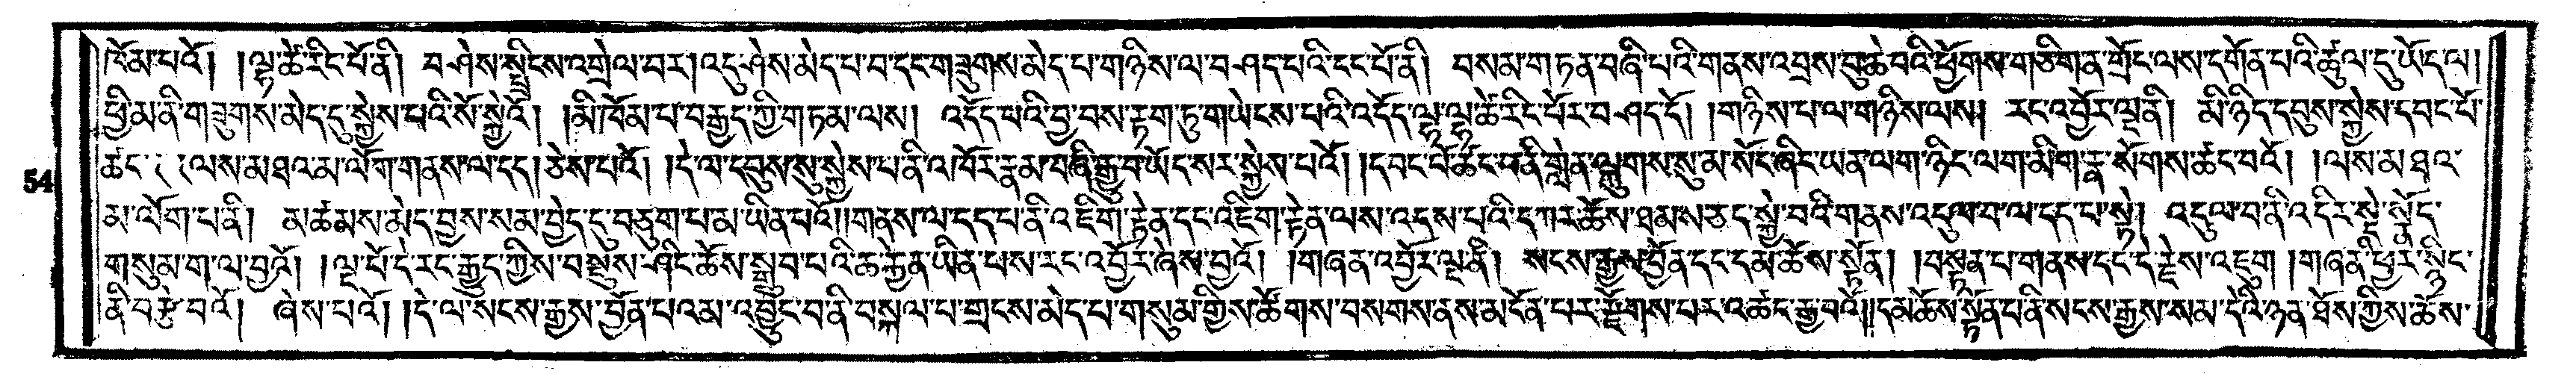ཁོམ་པའོ། །ལྷ་ཚེ་རིང་པོ་ནི། བཤེས་སྤྲིངས་འགྲེལ་བར། འདུ་ཤེས་མེད་པ་བ་དང་གཟུགས་མེད་པ་གཉིས་ལ་བཤད་པའི་དང་པོ་ནི། བསམ་གཏན་བཞི་པའི་གནས་འབྲས་བུ་ཆེ་བའི་ཕྱོགས་གཅིག་ན་གྲོང་ལས་དགོན་པའི་ཚུལ་དུ་ཡོད་ལ།
ཕྱི་མ་ནི་གཟུགས་མེད་དུ་སྐྱེས་པའི་སོ་སྐྱེའོ། །མི་ཁོམ་པ་བརྒྱད་ཀྱི་གཏམ་ལས། འདོད་པའི་བྱ་བས་རྟག་ཏུ་གཡེངས་པའི་འདོད་ལྷ་ལྷ་ཚེ་རིང་པོར་བཤད་དོ། །གཉིས་པ་ལ་གཉིས་ལས། རང་འབྱོར་ལྔ་ནི། མི་ཉིད་དབུས་སྐྱེས་དབང་པོ་
ཚང༑ ༑ལས་མཐའ་མ་ལོག་གནས་ལ་དད། ཅེས་པའོ། །དེ་ལ་དབུས་སུ་སྐྱེས་པ་ནི་འཁོར་རྣམ་བཞི་རྒྱུ་བ་ཡོད་སར་སྐྱེས་པའོ། །དབང་པོ་ཚང་བ་ནི་གླེན་ལྐུགས་སུ་མ་སོང་ཞིང་ཡན་ལག་ཉིང་ལག་མིག་རྣ་སོགས་ཚང་བའོ། །ལས་མཐའ་
མ་ལོག་པ་ནི། མཚམས་མེད་བྱས་སམ་བྱེད་དུ་བཅུག་པ་མ་ཡིན་པའོ། །གནས་ལ་དད་པ་ནི་འཇིག་རྟེན་དང་འཇིག་རྟེན་ལས་འདས་པའི་དཀར་ཆོས་ཐམས་ཅད་སྐྱེ་བའི་གནས་འདུལ་བ་ལ་དད་པ་སྟེ། འདུལ་བ་ནི་འདིར་སྡེ་སྣོད་
གསུམ་ག་ལ་བྱའོ། །ལྔ་པོ་དེ་རང་རྒྱུད་ཀྱིས་བསྡུས་ཤིང་ཆོས་སྒྲུབ་པའི་ཆ་རྐྱེན་ཡིན་པས་རང་འབྱོར་ཞེས་བྱའོ། །གཞན་འབྱོར་ལྔ་ནི། སངས་རྒྱས་བྱོན་དང་དམ་ཆོས་སྟོན། །བསྟན་པ་གནས་དང་དེ་རྗེས་འཇུག །གཞན་ཕྱིར་སྙིང་
ནི་བརྩེ་བའོ། ཞེས་པའོ། །དེ་ལ་སངས་རྒྱས་བྱོན་པའམ་འབྱུང་བ་ནི་བསྐལ་པ་གྲངས་མེད་པ་གསུམ་གྱིས་ཚོགས་བསགས་ནས་མངོན་པར་རྫོགས་པར་འཚང་རྒྱ་བའོ། །དམ་ཆོས་སྟོན་པ་ནི་སངས་རྒྱས་སམ་དེའི་ཉན་ཐོས་ཀྱིས་ཆོས་